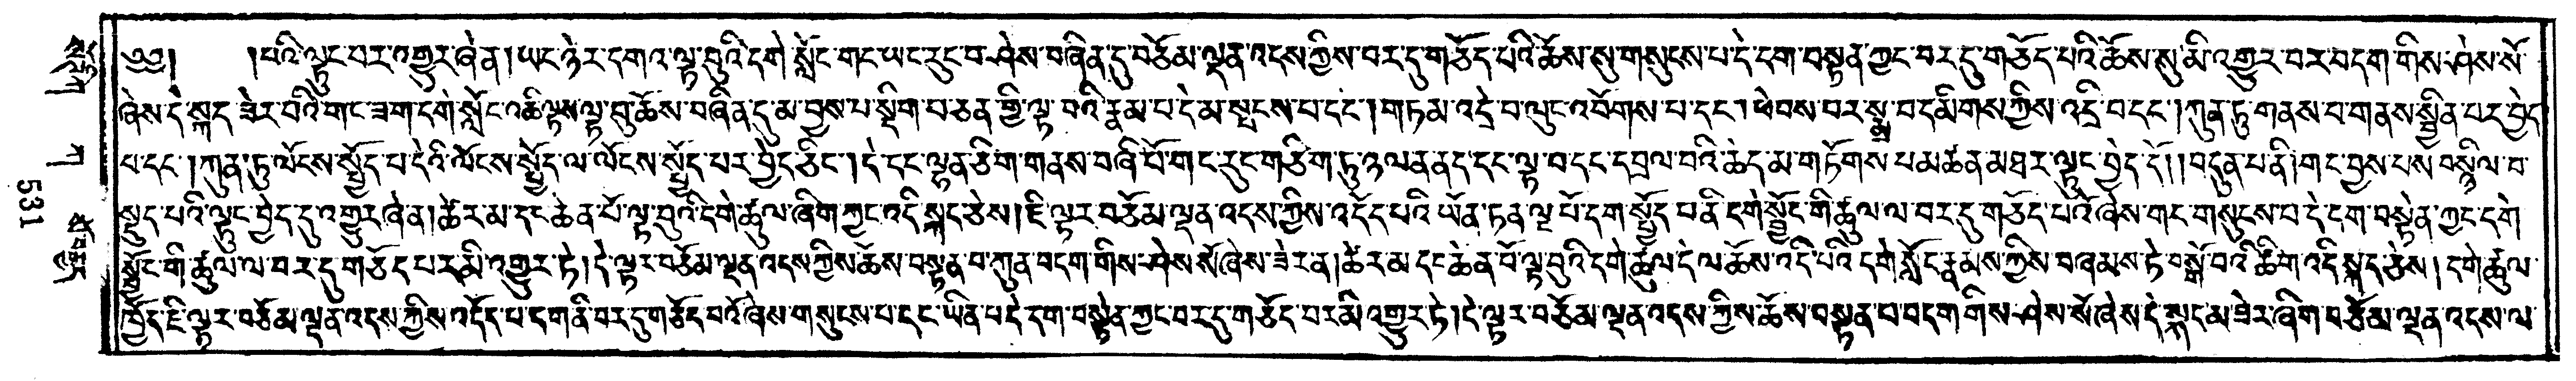༄༅། །པའི་ལྟུང་བར་འགྱུར་ཞེ་ན། ཡང་ཉེར་དགའ་ལྟ་བུའི་དགེ་སློང་གང་ཡང་རུང་བ་ཤེས་བཞིན་དུ་བཅོམ་ལྡན་འདས་ཀྱིས་བར་དུ་གཅོད་པའི་ཆོས་སུ་གསུངས་པ་དེ་དག་བསྟན་ཀྱང་བར་དུ་གཅོད་པའི་ཆོས་སུ་མི་འགྱུར་བར་བདག་གིས་ཤེས་སོ་
ཞེས་དེ་སྐད་ཟེར་བའི་གང་ཟག་དགེ་སློང་འཆི་ལྟས་ལྟ་བུ་ཆོས་བཞིན་དུ་མ་བྱས་པ་སྡིག་བ་ཅན་གྱི་ལྟ་བའི་རྣམ་པ་དེ་མ་སྤངས་པ་དང་། གཏམ་འདྲེ་བ་ལུང་འབོགས་པ་དང་། ཕེབས་པར་སྨྲ་བ་དམིགས་ཀྱིས་འདྲི་བ་དང་། ཀུན་ཏུ་གནས་པ་གནས་སྦྱིན་པར་བྱེད་
པ་དང་། ཀུན་ཏུ་ལོངས་སྤྱོད་པ་དེའི་ལོངས་སྤྱོད་ལ་ལོངས་སྤྱོད་པར་བྱེད་ཅིང་། དེ་དང་ལྷན་ཅིག་གནས་བཞི་པོ་གང་རུང་གཅིག་ཏུ་ཉལ་ན་ནད་དང་ལྟ་བ་དང་དབྲལ་བའི་ཆེད་མ་གཏོགས་པ་མཚན་མཐར་ལྟུང་བྱེད་དོ། །བདུན་པ་ནི། གང་བྱས་པས་བསྙིལ་བ་
སྡུད་པའི་ལྟུང་བྱེད་དུ་འགྱུར་ཞེ་ན། ཚེར་མ་དང་ཆེན་པོ་ལྟ་བུའི་དགེ་ཚུལ་ཞིག་ཀྱང་འདི་སྐད་ཅེས། ཇི་ལྟར་བཅོམ་ལྡན་འདས་ཀྱིས་འདོད་པའི་ཡོན་ཏན་ལྔ་པོ་དག་སྤྱོད་པ་ནི་དགེ་སྦྱོང་གི་ཚུལ་ལ་བར་དུ་གཅོད་པའི་ཞེས་གང་གསུངས་པ་དེ་དག་བསྟེན་ཀྱང་དགེ་
སྦྱོང་གི་ཚུལ་ལ་བར་དུ་གཅོད་པར་མི་འགྱུར་ཏེ། དེ་ལྟར་བཅོམ་ལྡན་འདས་ཀྱིས་ཆོས་བསྟན་བ་ཀུན་བདག་གིས་ཤེས་སོ་ཞེས་ཟེར་ན། ཚེར་མ་དང་ཆེན་པོ་ལྟ་བུའི་དགེ་ཚུལ་དེ་ལ་ཆོས་འདི་པའི་དགེ་སློང་རྣམས་ཀྱིས་བཞམས་ཏེ་བསྒོ་བའི་ཚིག་འདི་སྐད་ཅེས། དགེ་ཚུལ་
ཁྱོད་ཇི་ལྟར་བཅོམ་ལྡན་འདས་ཀྱིས་འདོད་པ་དག་ནི་བར་དུ་གཅོད་པའོ་ཞེས་གསུངས་པ་དང་ཡིན་པ་དེ་དག་བསྟེན་ཀྱང་བར་དུ་གཅོད་བར་མི་འགྱུར་ཏེ། དེ་ལྟར་བཅོམ་ལྡན་འདས་ཀྱིས་ཆོས་བསྟན་བ་བདག་གིས་ཤེས་སོ་ཞེས་དེ་སྐད་མ་ཟེར་ཞིག་བཅོམ་ལྡན་འདས་ལ་